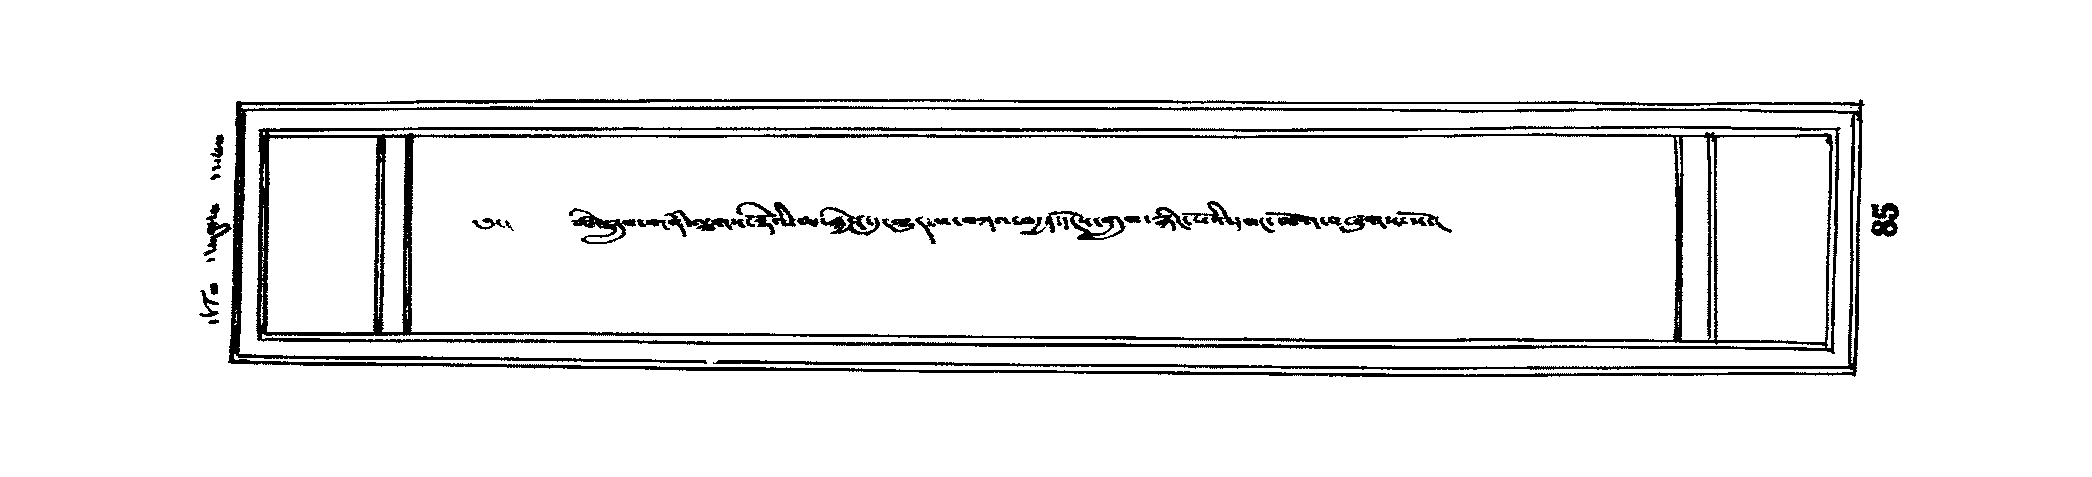༄། ཚེ་སྒྲུབ་གནམ་ལྕགས་རྡོ་རྗེའི་ཆ་རྐྱེན་དུ་གྱུར་པ་བཀའ་བརྒྱད་དངོས་གྲུབ་སྙིང་པོའི་དབང་ཆོག་བཞུགས་སོ།།